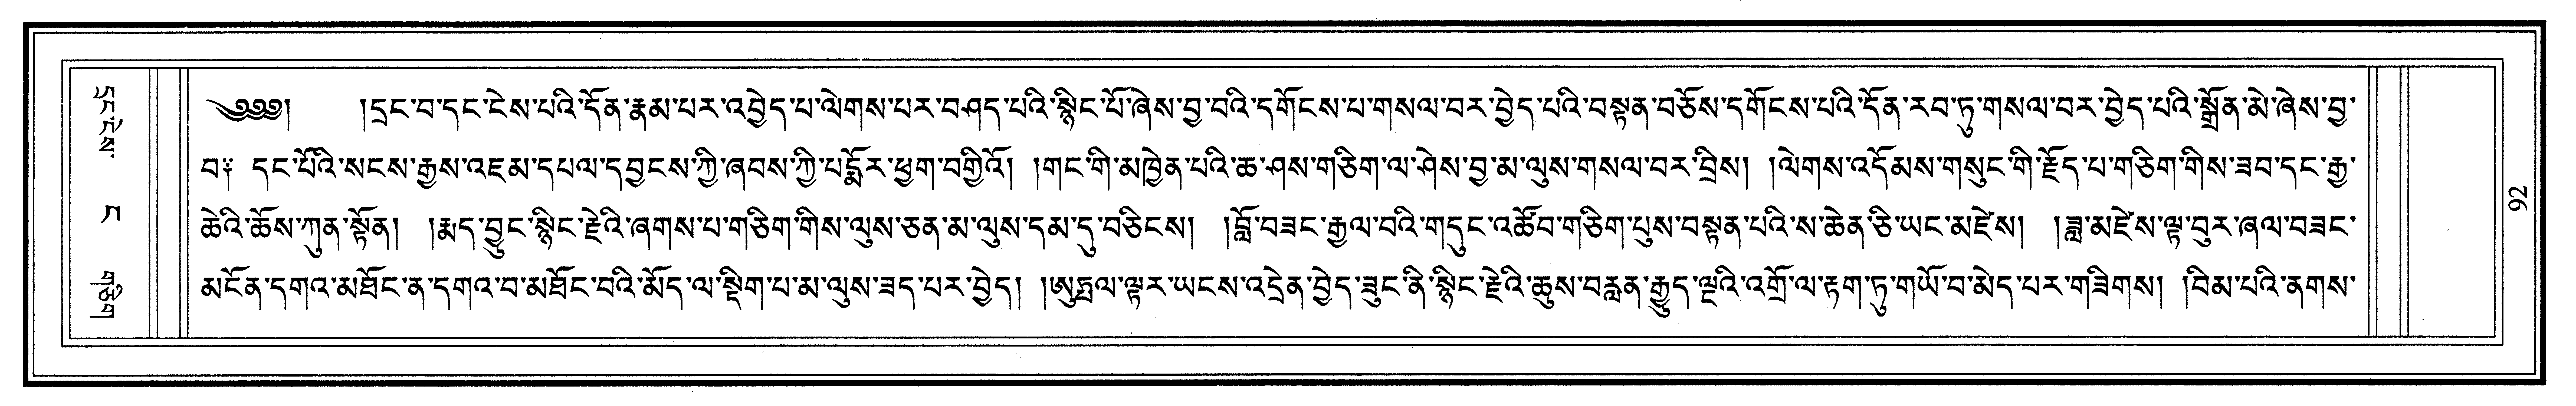༄༅༅། །དྲང་བ་དང་ངེས་པའི་དོན་རྣམ་པར་འབྱེད་པ་ལེགས་པར་བཤད་པའི་སྙིང་པོ་ཞེས་བྱ་བའི་དགོངས་པ་གསལ་བར་བྱེད་པའི་བསྟན་བཅོས་དགོངས་པའི་དོན་རབ་ཏུ་གསལ་བར་བྱེད་པའི་སྒྲོན་མེ་ཞེས་བྱ་
བ༑ དང་པོའི་སངས་རྒྱས་འཇམ་དཔལ་དབྱངས་ཀྱི་ཞབས་ཀྱི་པདམོར་ཕྱག་བགྱིའོ། །གང་གི་མཁྱེན་པའི་ཆ་ཤས་གཅིག་ལ་ཤེས་བྱ་མ་ལུས་གསལ་བར་བྲིས། །ལེགས་འདོམས་གསུང་གི་རྗོད་པ་གཅིག་གིས་ཟབ་དང་རྒྱ་
ཆེའི་ཆོས་ཀུན་སྟོན། །རྨད་བྱུང་སྙིང་རྗེའི་ཞགས་པ་གཅིག་གིས་ལུས་ཅན་མ་ལུས་དམ་དུ་བཅིངས། །བློ་བཟང་རྒྱལ་བའི་གདུང་འཚོབ་གཅིག་པུས་བསྟན་པའི་ས་ཆེན་ཅི་ཡང་མཛེས། །ཟླ་མཛེས་ལྟ་བུར་ཞལ་བཟང་
མངོན་དགའ་མཐོང་ན་དགའ་བ་མཐོང་བའི་མོད་ལ་སྡིག་པ་མ་ལུས་ཟད་པར་བྱེད། །ཨུཏྤལ་ལྟར་ཡངས་འདྲེན་བྱེད་ཟུང་ནི་སྙིང་རྗེའི་ཆུས་བརླན་རྒྱུད་ལྔའི་འགྲོ་ལ་རྟག་ཏུ་གཡོ་བ་མེད་པར་གཟིགས། །བིམ་པའི་ནགས་